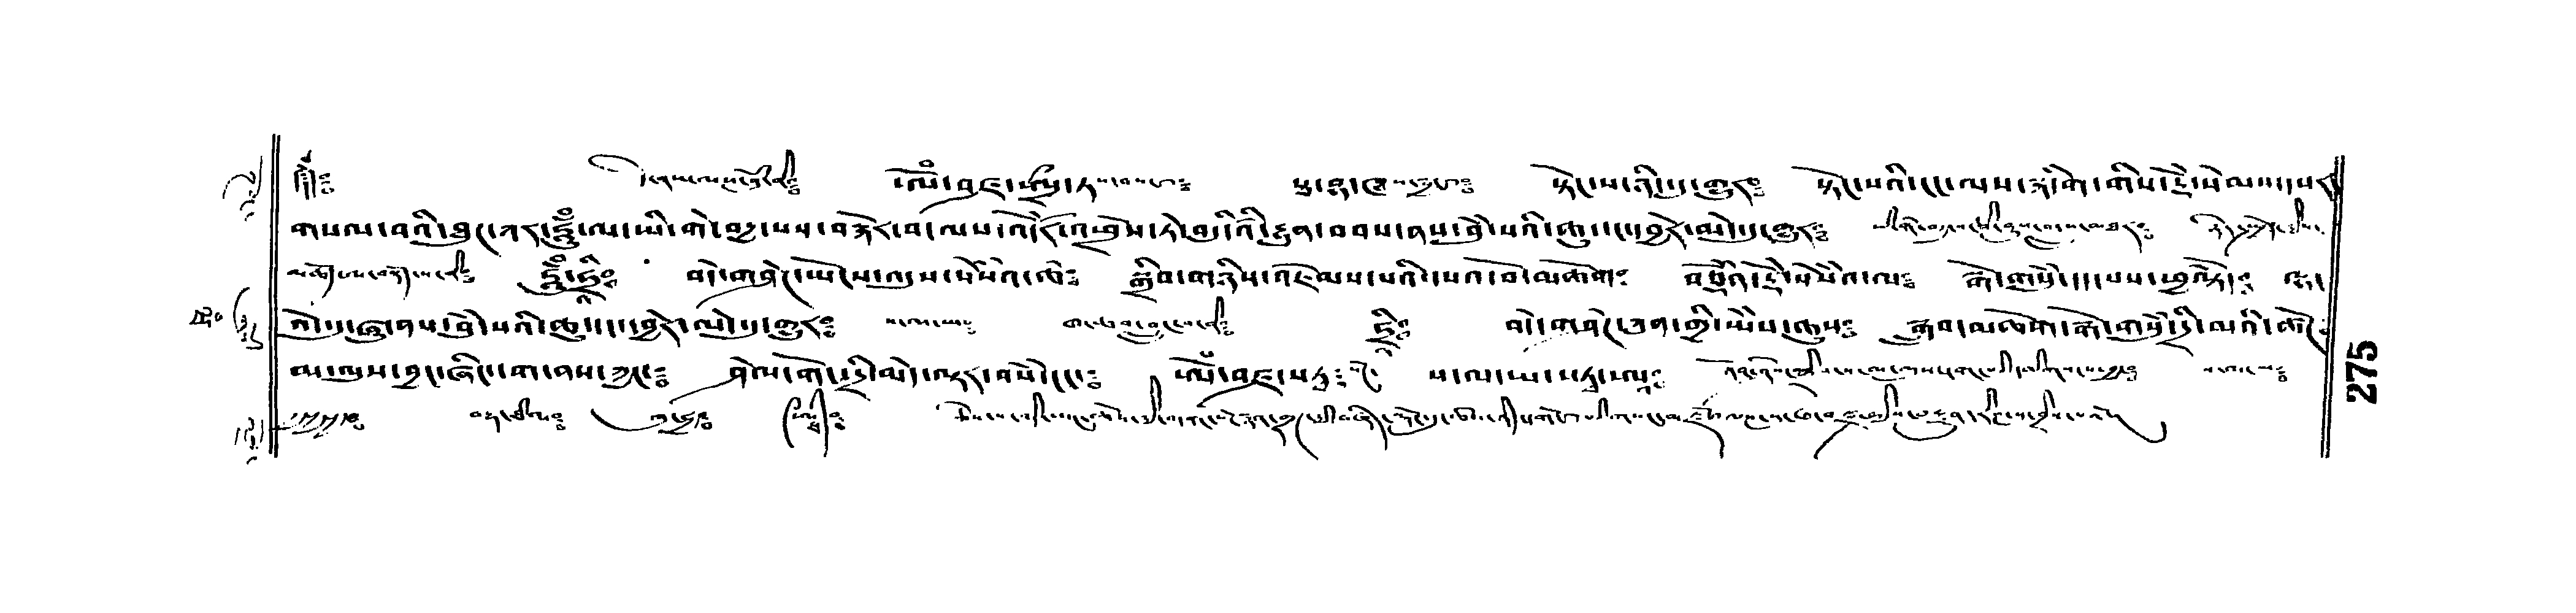དེ་ནས་ལས་བུམ་ནི༔ ཨོཾ་བཛྲ་ཨ་མྲྀ་ཏ ས་བསངས༔ སྭ་བྷ་ཝ ས་སྦྱངས༔ སྟོང་པ་ཉིད་དུ་གྱུར༔ སྟོང་པའི་ངང་ལས་སྐད་ཅིག་གིས་རྡོ་རྗེ་སེམས་དཔར་
གསལ་བའི་ཐུགས་ཀར་ཧཱུྃ་ལ་ཡི་གེ་བརྒྱ་པས་བསྐོར་བ་ལས་འོད་ཟེར་འཕྲོས་ཏེ་བདུད་རྩིའི་རྒྱུན་བབས་ནས་བུམ་པའི་ཆུ་དང་དབྱེར་མེད་དུ་གྱུར༔ ཡི་གེ་བརྒྱ་པ་ཅི་ནུས་བཟླས་མཐར༔ ཉེར་སྤྱོད་ཀྱིས་
མཆོད་ལ༔ བསྟོད་པ་ནི༔ ཧཱུྃ་ཧྲཱིཿ བདེ་གཤེགས་ཡོངས་འདུས་སེམས་དཔའ་ཆེ༔ སྒྲིབ་གཉིས་འཇོམས་པའི་དཔའ་བོ་མཆོག༔ བཅོམ་ལྡན་རྡོ་རྗེ་སེམས་དཔའ་ལ༔ སྒོ་གསུམ་དད་པས་ཕྱག་འཚལ་བསྟོད༔ལྷ་
འོད་དུ་ཞུ་ནས་བུམ་པའི་ཆུ་དང་དབྱེར་མེད་དུ་གྱུར༔ ས་མ་ཡ༔ ཁ་ཆབ་བླང་བ་ནི༔ ཧྲཱིཿ བདེ་གཤེགས་ཀུན་གྱི་ཡེ་ཤེས་ཆུས༔ སྒྲུབ་མཆོག་སྒོ་གསུམ་དྲི་མའི་ཚོགས༔ 
མ་ལུས་བྱང་ཞིང་དག་ནས་ཀྱང༔ ཤེལ་གོང་དྲི་མེད་ལྟར་བསམ་ངང༔ ཨོཾ་བཛྲ་སཏྭ༴ སོགས༔ ས་མ་ཡ་སཏྭ་ཨཱཿ ཉོན་ཤེས་སྒྲིབ་པ་མ་ལུས་དག་པའི་དམིགས་པ་བྱ༔ ས་མ་ཡ༔ 
རྒྱ་རྒྱ་རྒྱ༔ བརྡ་ཐིམ༔ གུ་ཧྱཿ ཿ ཅེས་པ་འདི་ཡང་ཆོས་ཀྱི་བདག་པོ་སྙན་གྲགས་ཀྱི་བཞེད་སྐོང་དུ་ཆོས་ཉིད་དགོངས་པའི་གསང་མཛོད་ལས་སུ་ཁ་བཛྲ་གྱིས་བརྫུན་རིས་སུ་བྲིས་པའོ།།